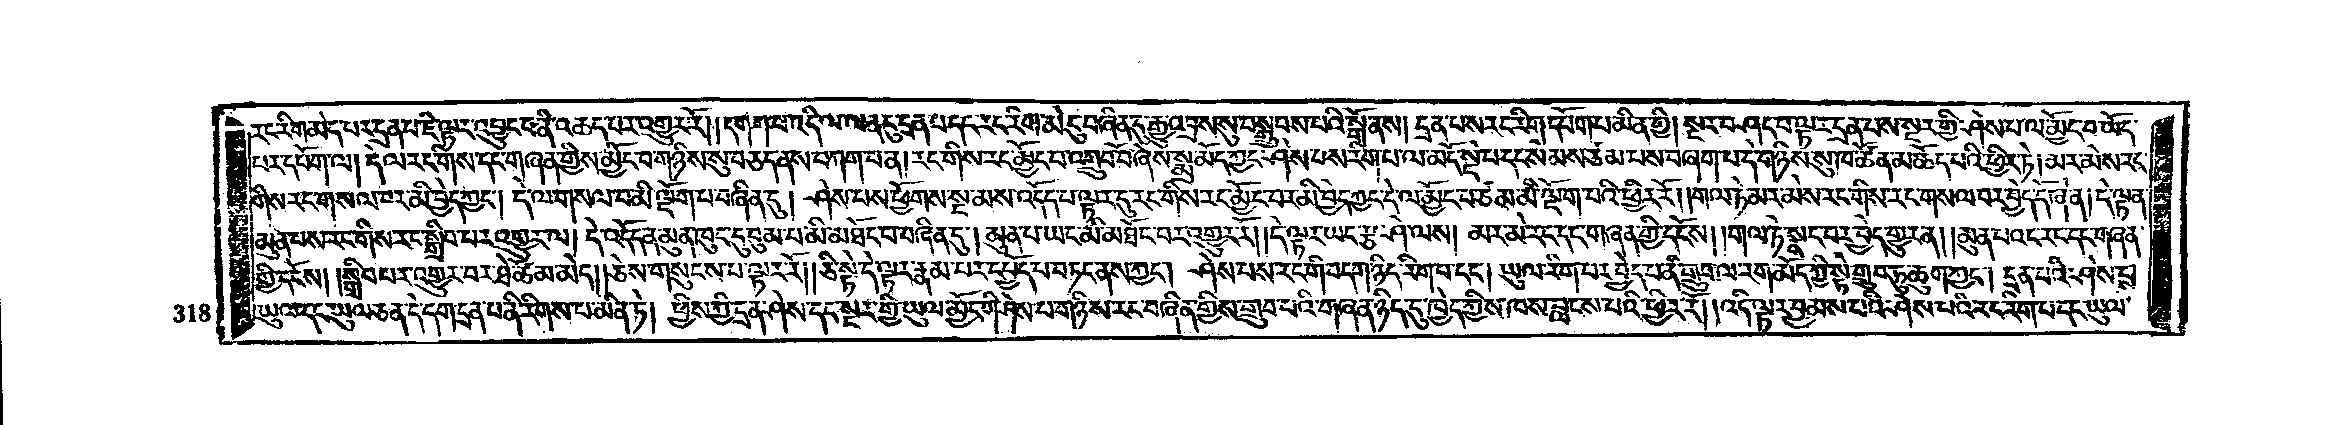རང་རིག་མེད་པར་དྲན་པ་ཇི་ལྟར་འབྱུང་བ་ནི་འཆད་པར་འགྱུར་རོ། །དགག་པ་འདི་ལ་ལན་དུ་དྲན་པ་དང་རང་རིག་མེད་དུ་བཞིན་དུ་རྒྱུ་འབྲས་སུ་བསྒྲུབས་པའི་སྒོ་ནས། དྲན་པས་རང་རིག་དཔོག་པ་མིན་གྱི། སྔར་བཤད་པ་ལྟར་དྲན་པས་སྔར་གྱི་ཤེས་པ་ལ་མྱོང་བ་ཡོད་
པར་དཔོག་ལ། དེ་ལ་རང་གིས་དང་གཞན་གྱིས་མྱོང་བ་གཉིས་སུ་བཅད་ནས་བཀག་པ་ན། རང་གིས་རང་མྱོང་བ་འགྲུབ་བོ་ཞེས་སྨྲ་མོད་ཀྱང་ཤེས་པས་རིག་པ་ལ་མདོ་སྡེ་པ་དང་སེམས་ཙམ་པས་བཞག་པ་དེ་གཉིས་སུ་ཁ་ཚོན་མ་ཆོད་པའི་ཕྱིར་ཏེ། མར་མེས་རང་
གིས་རང་གསལ་བར་མི་བྱེད་ཀྱང་། དེ་ལ་གསལ་བ་མི་ལྡོག་པ་བཞིན་དུ། ཤེས་པས་ཕྱོགས་སྔ་མས་འདོད་པ་ལྟར་དུ་རང་གིས་རང་མྱོང་བར་མི་བྱེད་ཀྱང་དེ་ལ་མྱོང་པ་ཙམ་མི་ལྡོག་པའི་ཕྱིར་རོ། །གལ་ཏེ་མར་མེས་རང་གིས་རང་གསལ་བར་བྱེད་དོ་ཞེ་ན། དེ་ལྟ་ན་
མུན་པས་རང་གིས་རང་སྒྲིབ་པར་འགྱུར་ལ། དེ་འདོད་ན་མུན་ཁུང་དུ་བུམ་པ་མི་མཐོང་བ་བཞིན་དུ། མུན་པ་ཡང་མི་མཐོང་བར་འགྱུར་རོ། །དེ་ལྟར་ཡང་རྩ་ཤེ་ལས། མར་མེ་རང་དང་གཞན་གྱི་དངོས། །གལ་ཏེ་སྣང་བར་བྱེད་གྱུར་ན། །མུན་པའང་རང་དང་གཞན་
གྱི་དངོས། །སྒྲིབ་པར་འགྱུར་བར་ཐེ་ཚོམ་མེད། །ཅེས་གསུངས་པ་ལྟར་རོ། །ཅི་སྟེ་དེ་ལྟར་རྣམ་པར་དཔྱོད་པ་བཏང་ནས་ཀྱང་། ཤེས་པས་རང་གི་བདག་ཉིད་རིག་པ་དང་། ཡུལ་རིག་པར་བྱེད་པ་ནི་གྲུབ་ལ་རག་མོད་ཀྱི་སྟེ་གྲུབ་ཏུ་ཆུག་ཀྱང་། དྲན་པའི་ཤེས་པས་
ཡུལ་དང་ཡུལ་ཅན་དེ་དག་དྲན་པ་ནི་རིགས་པ་མིན་ཏེ། ཕྱིས་ཀྱི་དྲན་ཤེས་དང་སྔར་གྱི་ཡུལ་མྱོང་གི་ཤེས་པ་གཉིས་རང་བཞིན་གྱིས་གྲུབ་པའི་གཞན་ཉིད་དུ་ཁྱེད་ཀྱིས་ཁས་བླངས་པའི་ཕྱིར་རོ། །འདི་ལྟར་བྱམས་པའི་ཤེས་པའི་རང་རིག་པ་དང་ཡུལ་